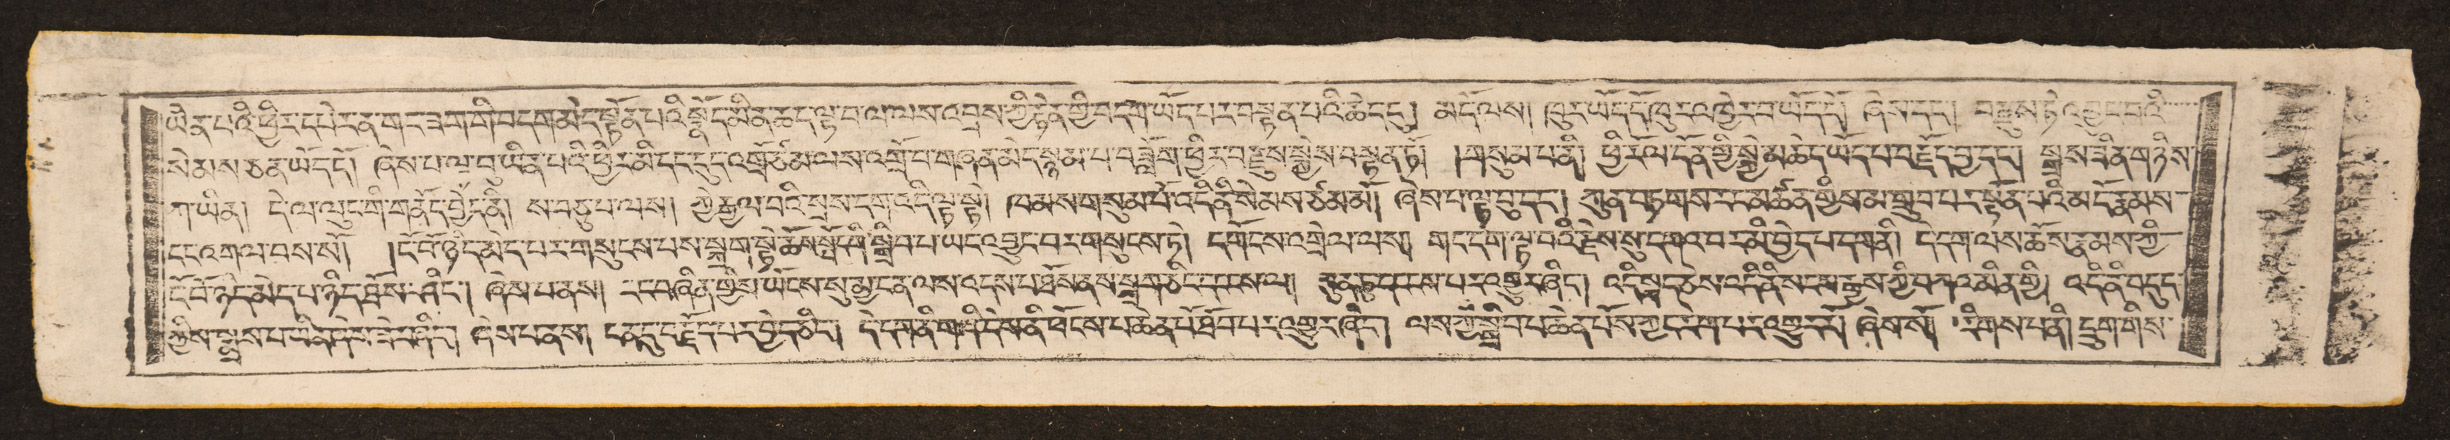ཡིན་པའི་ཕྱིར་དཔེར་ན་གང་ཟག་གི་བདག་མེད་སྟོན་པའི་སྣོད་མིན་ཆད་ལྟ་བ་ལ་ལས་འབྲས་ཀྱི་རྟེན་གྱི་བདག་ཡོད་པར་བསྟན་པའི་ཆེད་དུ། མདོ་ལས། ཁུར་ཡོད་དོ་ཁུར་འཁྱེར་བ་ཡོད་དོ། ཞེས་དང་། བརྫུས་ཏེ་འབྱུང་བའི་
སེམས་ཅན་ཡོད་དོ། ཞེས་པ་ལྟ་བུ་ཡིན་པའི་ཕྱིར་མི་དང་དུད་འགྲོ་ཙམ་ལས་འགྲོ་བ་གཞན་མེད་སྙམ་པ་བཟློག་ཕྱིར་བརྫུས་སྐྱེས་བསྟན་ཏོ། །གསུམ་པ་ནི། ཕྱི་རོལ་དོན་གྱི་སྐྱེ་མཆེད་ཡོད་པ་བརྗོད་བྱ་དང་། སྒྲས་ཟིན་གཉིས་
ཀ་ཡིན། དེ་ལ་ལུང་གི་གནོད་བྱེད་ནི། ས་བཅུ་པ་ལས། ཀྱེ་རྒྱལ་བའི་སྲས་དག་འདི་ལྟ་སྟེ། ཁམས་གསུམ་པོ་འདི་ནི་སེམས་ཙམ་མོ། ཞེས་པ་ལྟ་བུ་དང་། ཀུན་བཏགས་རང་མཚན་གྱིས་མ་གྲུབ་པར་སྟོན་པའི་མདོ་རྣམས་
དང་འགལ་བས་སོ། །ངོ་བོ་ཉིད་མེད་པར་གསུངས་པས་སྐྲག་སྟེ་ཆོས་སྤོང་གི་སྒྲིབ་པ་ཡང་འབྱུང་བར་གསུངས་ཏེ། དགོངས་འགྲེལ་ལས། གང་དག་ལྟ་བའི་རྗེས་སུ་དགའ་བར་མི་བྱེད་པ་དག་ནི། དེ་དག་ལས་ཆོས་རྣམས་ཀྱི་
ངོ་བོ་ཉིད་མེད་པ་ཉིད་ཐོས་ཤིང་། ཞེས་པ་ནས། རང་བཞིན་གྱིས་ཡོངས་སུ་མྱ་ངན་ལས་འདས་པ་ཐོས་ནས་སྐྲག་ཅིང་དངངས་ལ། ཀུན་ཏུ་དངངས་པར་འགྱུར་ཞིང་། འདི་སྐད་ཅེས་འདི་ནི་སངས་རྒྱས་ཀྱི་བཀའ་མིན་གྱི། འདི་ནི་བདུད་
ཀྱིས་སྨྲས་པ་ཡིན་ཞེས་ཟེར་ཞིང་། ཞེས་པ་ནས། དན་དུ་བརྗོད་པར་བྱེད་ཅིང་། དེ་དག་ནི་གཞི་དེས་ནི་ཕོངས་པ་ཆེན་པོ་ཐོབ་པར་འགྱུར་ཞིང་། ལས་ཀྱི་སྒྲིབ་པ་ཆེན་པོས་ཀྱང་རེག་པར་འགྱུར་རོ། ཞེས་སོ། །རིགས་པ་ནི། དྲུག་གིས་